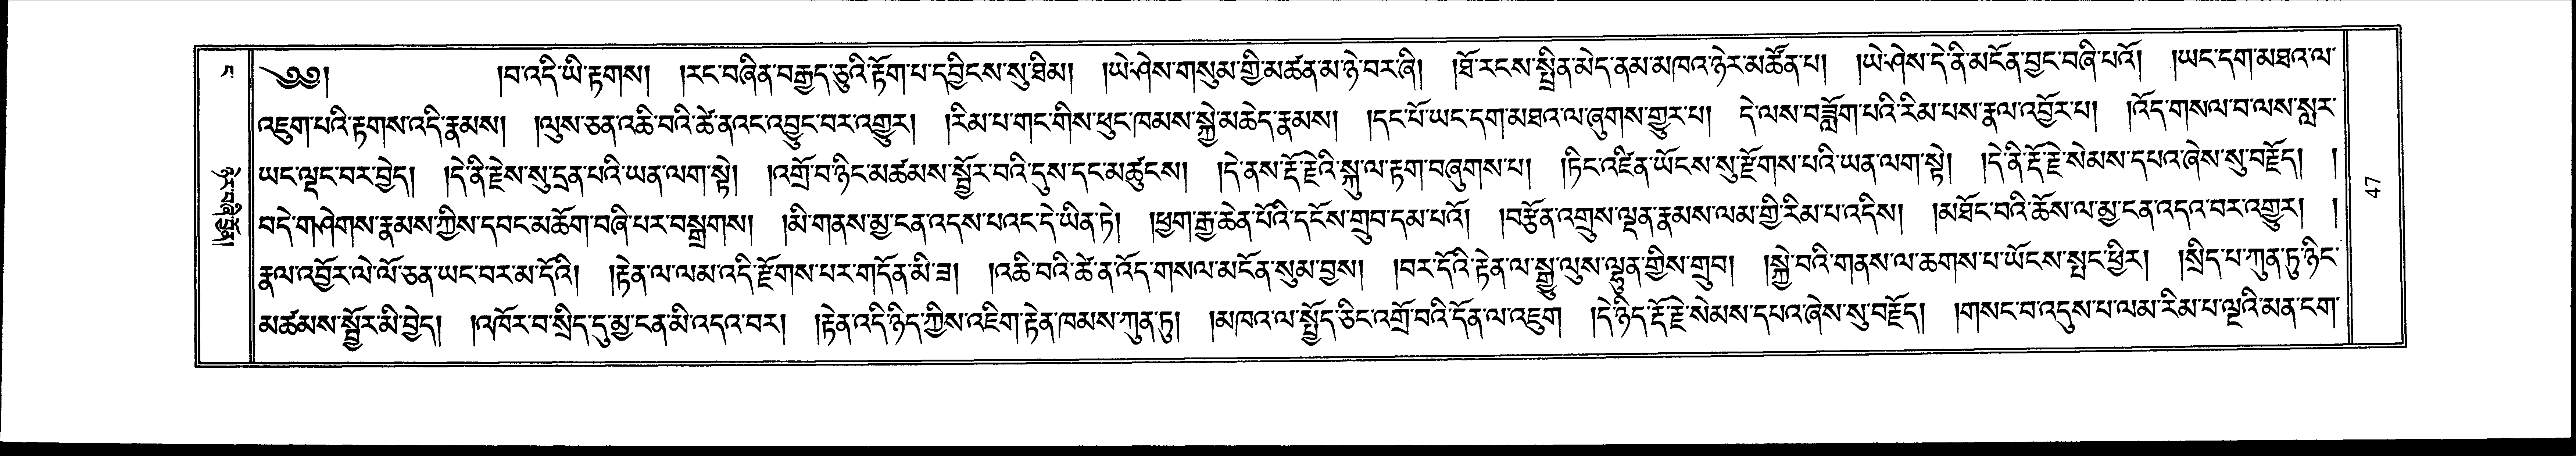༄༅། །བ་འདི་ཡི་རྟགས། །རང་བཞིན་བརྒྱད་ཅུའི་རྟོག་པ་དབྱིངས་སུ་ཐིམ། །ཡེ་ཤེས་གསུམ་གྱི་མཚན་མ་ཉེ་བར་ཞི། །ཐོ་རངས་སྤྲིན་མེད་ནམ་མཁའ་ཉེར་མཚོན་པ། །ཡེ་ཤེས་དེ་ནི་མངོན་བྱང་བཞི་པའོ། །ཡང་དག་མཐའ་ལ་
འཇུག་པའི་རྟགས་འདི་རྣམས། །ལུས་ཅན་འཆི་བའི་ཚེ་ནའང་འབྱུང་བར་འགྱུར། །རིམ་པ་གང་གིས་ཕུང་ཁམས་སྐྱེ་མཆེད་རྣམས། །དང་པོ་ཡང་དག་མཐའ་ལ་ཞུགས་གྱུར་པ། དེ་ལས་བཟློག་པའི་རིམ་པས་རྣལ་འབྱོར་པ། །འོད་གསལ་བ་ལས་སླར་
ཡང་ལྡང་བར་བྱེད། །དེ་ནི་རྗེས་སུ་དྲན་པའི་ཡན་ལག་སྟེ། །འགྲོ་བ་ཉིང་མཚམས་སྦྱོར་བའི་དུས་དང་མཚུནས། །དེ་ནས་རྡོ་རྗེའི་སྐུ་ལ་རྟག་བཞུགས་པ། །ཏིང་འཛིན་ཡོངས་སུ་རྫོགས་པའི་ཡན་ལག་སྟེ། །དེ་ནི་རྡོ་རྗེ་སེམས་དཔའ་ཞེས་སུ་བརྗོད། །
བདེ་གཤེགས་རྣམས་ཀྱིས་དབང་མཆོག་བཞི་པར་བསྒྲགས། །མི་གནས་མྱ་ངན་འདས་པའང་དེ་ཡིན་ཏེ། །ཕྱག་རྒྱ་ཆེན་པོའི་དངོས་གྲུབ་དམ་པའོ། །བརྩོན་འགྲུས་ལྡན་རྣམས་ལམ་གྱི་རིམ་པ་འདིས། །མཐོང་བའི་ཆོས་ལ་མྱ་ངན་འདའ་བར་འགྱུར། །
རྣལ་འབྱོར་ལེ་ལོ་ཅན་ཡང་བར་མ་དོའི། །རྟེན་ལ་ལམ་འདི་རྫོགས་པར་གདོན་མི་ཟ། །འཆི་བའི་ཚེ་ན་འོད་གསལ་མངོན་སུམ་བྱས། །བར་དོའི་རྟེན་ལ་སྒྱུ་ལུས་ལྷུན་གྱིས་གྲུབ། །སྐྱེ་བའི་གནས་ལ་ཆགས་པ་ཡོངས་སྤང་ཕྱིར། །སྲིད་པ་ཀུན་ཏུ་ཉིང་
མཚམས་སྦྱོར་མི་བྱེད། །འཁོར་བ་སྲིད་དུ་མྱ་ངན་མི་འདའ་བར། །རྟེན་འདི་ཉིད་ཀྱིས་འཇིག་རྟེན་ཁམས་ཀུན་ཏུ། །མཁའ་ལ་སྤྱོད་ཅིང་འགྲོ་བའི་དོན་ལ་འཇུག །དེ་ཉིད་རྡོ་རྗེ་སེམས་དཔའ་ཞེས་སུ་བརྗོད། །གསང་བ་འདུས་པ་ལམ་རིམ་པ་ལྔའི་མན་ངག་